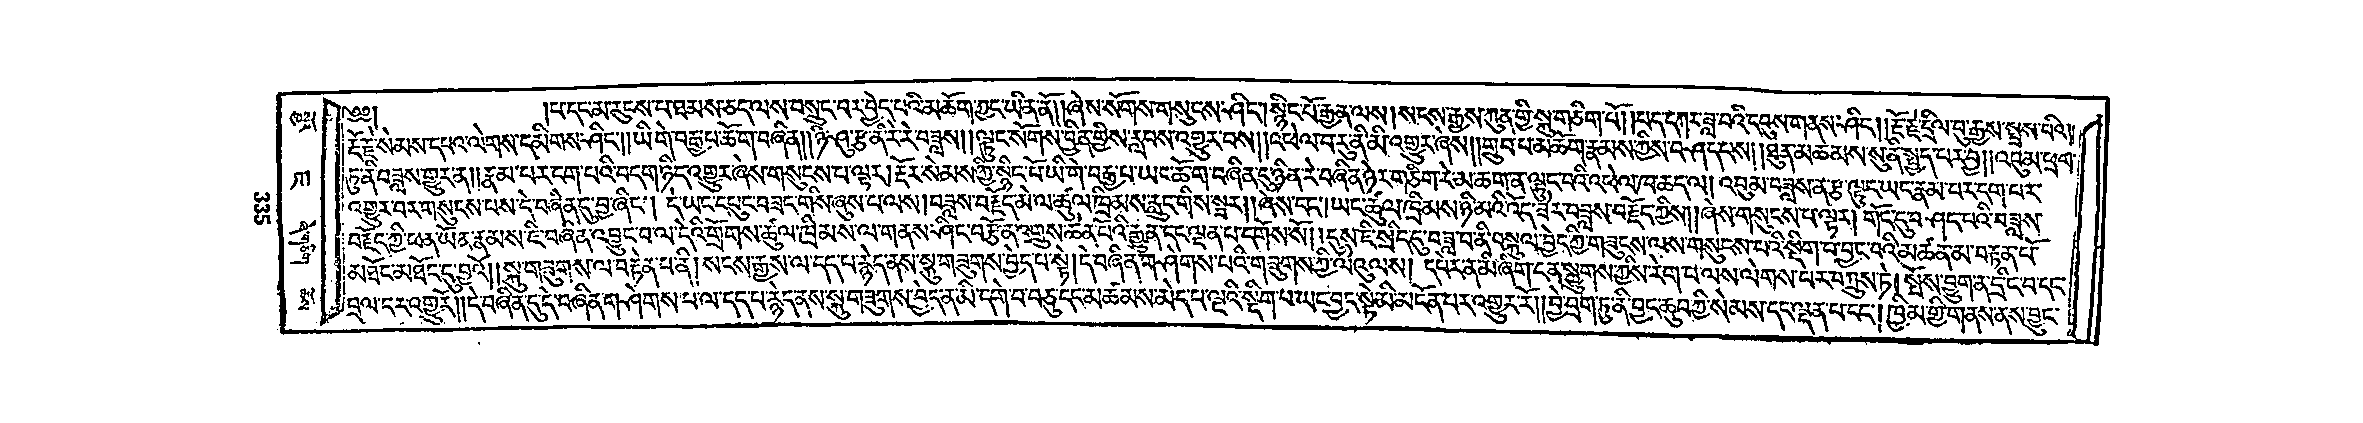༄༅། །པ་དང་མ་རུངས་པ་ཐམས་ཅད་ལས་བསྲུང་བར་བྱེད་པའི་མཆོག་ཀྱང་ཡིན་ནོ། །ཞེས་སོགས་གསུངས་ཤིང་། སྙིང་པོ་རྒྱན་ལས། སངས་རྒྱས་ཀུན་གྱི་སྐུ་གཅིག་པོ། །པད་དཀར་ཟླ་བའི་དབུས་གནས་ཤིང་། །རྡོ་རྗེ་དྲིལ་བུ་རྒྱས་སྤྲས་པའི།
རྡོ་རྗེ་སེམས་དཔའ་ལེགས་དམིགས་ཤིང་། །ཡི་གེ་བརྒྱ་པ་ཆོ་ག་བཞིན། །ཉི་ཤུ་རྩ་ནི་རེ་རེ་བཟླས། །ལྟུང་སོགས་བྱིན་གྱིས་རླབས་འགྱུར་བས། །འཕེལ་བ་རུ་ནི་མི་འགྱུར་ཞེས། །གྲུབ་པ་མཆོག་རྣམས་ཀྱིས་བཤད་པས། །ཐུན་མཚམས་སུ་ནི་སྤྱད་པར་བྱ། །འབུམ་ཕྲག་
ཏུ་ནི་བཟླས་གྱུར་ན། །རྣམ་པར་དག་པའི་བདག་ཉིད་འགྱུར་ཞེས་གསུངས་པ་ལྟར། རྡོར་སེམས་ཀྱི་སྙིང་པོ་ཡི་གེ་བརྒྱ་པ་ཡང་ཆོ་ག་བཞིན་དུ་ཉིན་རེ་བཞིན་ཉེར་གཅིག་རེ་མ་ཆག་ན་ལྟུང་བའི་འཕེལ་ཁ་ཆད་ལ། འབུམ་བཟླས་ན་རྩ་ལྟུང་ཡང་རྣམ་པར་དག་པར་
འགྱུར་བར་གསུངས་པས་དེ་བཞིན་དུ་བྱ་ཞིང་། དེ་ཡང་དཔུང་བཟང་གིས་ཞུས་པ་ལས། བཟླས་བརྗོད་མེ་ལ་ཚུལ་ཁྲིམས་རླུང་གིས་སྦར། །ཞེས་དང་། ཡང་ཚུལ་ཁྲིམས་ཉི་མའི་འོད་ཟེར་བཟླས་བརྗོད་ཀྱིས། །ཞེས་གསུངས་པ་ལྟར། གོང་དུ་བཤད་པའི་བཟླས་
བརྗོད་ཀྱི་ཕན་ཡོན་རྣམས་ཇི་བཞིན་འབྱུང་བ་ལ་དེའི་གྲོགས་ཚུལ་ཁྲིམས་ལ་གནས་ཤིང་བརྩོན་འགྲུས་ཆེན་པོའི་རྒྱུན་དང་ལྡན་པ་དགོས་སོ། །དུས་ཇི་སྲིད་དུ་བཟླ་བ་ནི་བསྐུལ་བྱེད་ཀྱི་གཟུངས་ལས་གསུངས་པའི་སྡིག་པ་བྱང་བའི་མཚན་མ་བརྟན་པོ་
མཐོང་མཐོང་དུ་བྱའོ། །སྐུ་གཟུགས་ལ་བརྟེན་པ་ནི། སངས་རྒྱས་ལ་དད་པ་རྙེད་ནས་སྐུ་གཟུགས་བྱེད་པ་སྟེ། དེ་བཞིན་གཤེགས་པའི་གཟུགས་ཀྱི་ལེའུ་ལས། དཔེར་ན་མི་ཞིག་ངན་སྐྱུགས་ཀྱིས་རེག་པ་ལས་ལེགས་པར་བཀྲུས་ཏེ། སྤོས་བྱུག་ན་དྲི་ང་བ་དང་
བྲལ་ངར་འགྱུར་རོ། །དེ་བཞིན་དུ་དེ་བཞིན་གཤེགས་པ་ལ་དད་པ་རྙེད་ནས་སྐུ་གཟུགས་བྱེད་ན་མི་དགེ་བ་བཅུ་དང་མཚམས་མེད་པ་ལྔའི་སྡིག་པ་ཡང་བྱང་སྟེ་མི་མངོན་པར་འགྱུར་རོ། །བྱེ་བྲག་ཏུ་ནི་བྱང་ཆུབ་ཀྱི་སེམས་དང་ལྡན་པ་དང་། ཁྱིམ་གྱི་གནས་ནས་བྱུང་